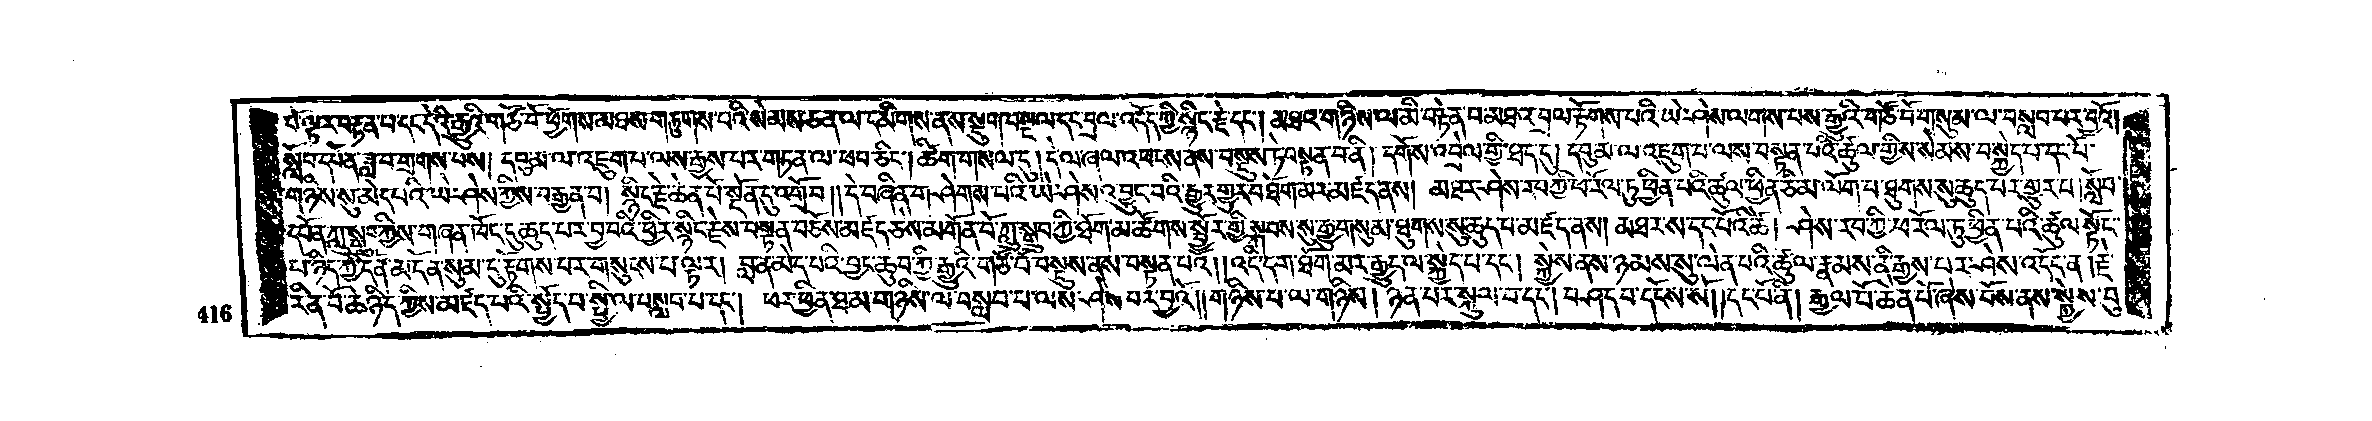པོ་ལྟར་བརྟན་པ་དང་དེའི་རྒྱུའི་གཙོ་བོ་ཕྱོགས་མཐས་གཏུགས་པའི་སེམས་ཅན་ལ་དམིགས་ནས་སྡུག་བསྔལ་དང་བྲལ་འདོད་ཀྱི་སྙིང་རྗེ་དང་། མཐའ་གཉིས་ལ་མི་བརྟེན་པ་མཐའ་བྲལ་རྟོགས་པའི་ཡེ་ཤེས་ལགས་པས་རྒྱུའི་གཙོ་བོ་གསུམ་ལ་བསླབ་པར་བྱའོ། །
སློབ་དཔོན་ཟླ་བ་གྲགས་པས། དབུ་མ་ལ་འཇུག་པ་ལས་རྒྱས་པར་གཏན་ལ་ཕབ་ཅིང་། ཚིག་གསལ་དུ། དེ་ལ་ཞལ་འཕངས་ནས་བསྡུས་ཏེ་བསྟན་པ་ནི། དགོས་འབྲེལ་གྱི་ཐད་དུ། དབུ་མ་ལ་འཇུག་པ་ལས་བསྟན་པའི་ཚུལ་གྱིས་སེམས་པ་སྐྱེད་པ་དང་པོ་
གཉིས་སུ་མེད་པའི་ཡེ་ཤེས་ཀྱིས་བརྒྱན་པ། སྙིང་རྗེ་ཆེན་པོ་སྔོན་དུ་འགྲོ་བ། །དེ་བཞིན་གཤེགས་པའི་ཡེ་ཤེས་འབྱུང་བའི་རྒྱུར་གྱུར་པ་ཐོག་མར་མཛད་ནས། མཐར་ཤེས་རབ་ཀྱི་ཕ་རོལ་ཏུ་ཕྱིན་པའི་ཚུལ་ཕྱིན་ཅི་མ་ལོག་པ་ཐུགས་སུ་ཆུད་པར་གྱུར་པ། སློབ་
དཔོན་ཀླུ་སྒྲུབ་ཀྱིས་གཞན་ཁོང་དུ་ཆུད་པར་བྱ་བའི་ཕྱིར་སྙིང་རྗེས་བསྟན་བཅོས་མཛད་ཅེས་མགོན་པོ་ཀླུ་སྒྲུབ་ཀྱི་ཐོག་མ་ཚོགས་སྦྱོར་གྱི་སྐབས་སུ་རྒྱུ་གསུམ་ཐུགས་སུ་ཆུད་པ་མཛད་ནས། མཐར་ས་དང་པོའི་ཚེ། ཤེས་རབ་ཀྱི་ཕ་རོལ་ཏུ་ཕྱིན་པའི་ཚུལ་སྟོང་
པ་ཉིད་ཀྱི་དོན་མངོན་སུམ་དུ་རྟོགས་པར་གསུངས་པ་ལྟར། བླ་ན་མེད་པའི་བྱང་ཆུབ་ཀྱི་རྒྱུའི་གཙོ་བོ་བསྡུས་ནས་བསྟན་པའོ། །འདི་དག་ཐོག་མར་རྒྱུད་ལ་སྐྱེད་པ་དང་། སྐྱེས་ནས་ཉམས་སུ་ལེན་པའི་ཚུལ་ལ་རྣམས་ནི་རྒྱས་པར་ཤེས་འདོད་ན། རྗེ་
རིན་པོ་ཆེ་ཉིད་ཀྱིས་མཛད་པའི་སྤྱོད་པ་སྤྱི་ལ་བསླབ་པ་དང་། ཕར་ཕྱིན་ཐ་མ་གཉིས་ལ་བསླབ་པ་ལས་ཤེས་པར་བྱའོ། །གཉིས་པ་ལ་གཉིས། ཉན་པར་སྐུལ་བ་དང་། བཤད་པ་དངོས་སོ། །དང་པོ་ནི། རྒྱལ་པོ་ཆེན་པོ་ཞེས་བོས་ནས་སྐྱེས་བུ་